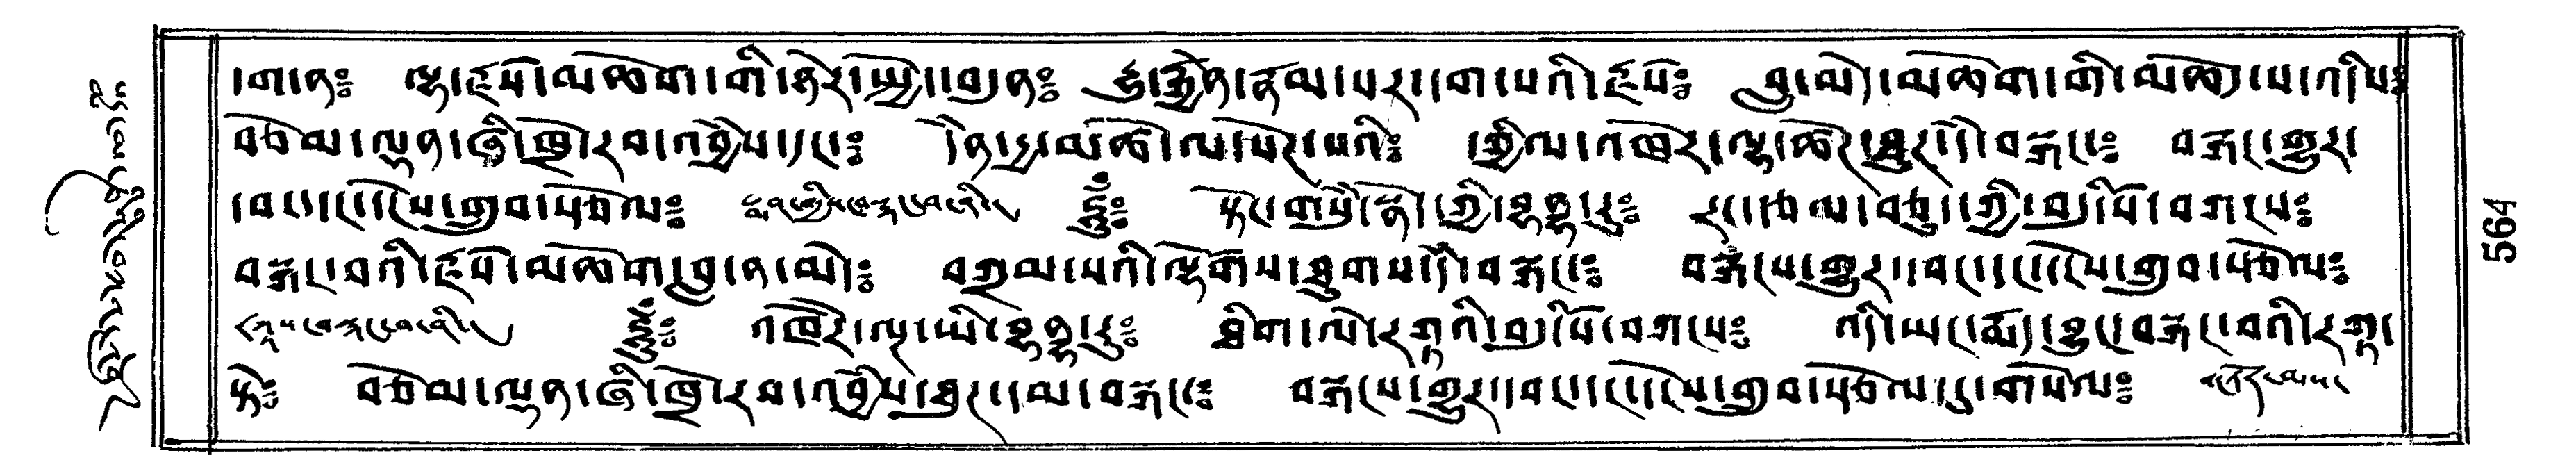དག་ན༔ ལྷ་རྫས་མཆོག་གི་ཉེར་སྤྱོད་བདུན༔ རྒྱུ་རྐྱེན་རྣམ་པར་དག་པའི་རྫས༔ བླ་མེད་མཆོག་གི་མཆོད་པ་འདིས༔ 
བཅོམ་ལྡན་ཞི་ཁྲོ་རབ་འབྱམས་དང༔ དམ་ཅན་རྒྱ་མཚོ་ལ་སོགས་པའི༔ དཀྱིལ་འཁོར་ལྷ་ཚོགས་ཐུགས་དམ་བསྐང༔ བསྐངས་གྱུར་
དབང་དང་དངོས་གྲུབ་སྩོལ༔ སྨན་གྱིས་བསྐང་བ་ནི། ཧཱུྃ༔ སྟོང་གསུམ་སྣོད་ཀྱི་བྷནྡྷ་རུ༔ རང་རྩལ་བཅུད་ཀྱི་བདུད་རྩིས་བཀང་༔ 
བསྐང་བའི་རྫས་མཆོག་བླ་ན་མེད༔ བཀྲམ་པའི་ལྷ་ཚོགས་ཐུགས་དམ་བསྐང༔ བསྐངས་གྱུར་དབང་དང་དངོས་གྲུབ་སྩོལ༔ 
རཀྟས་བསྐང་བ་ནི། ཧཱུྃ༔ འཁོར་ལོ་ལྔ་ཡི་བྷནྡྷ་རུ༔ ཐིག་ལེ་རཀྟ་བདུད་རྩིས་བཀང་༔ འདི་ཡང་རྨད་བྱུང་བསྐང་བའི་རཀྟ་
སྟེ༔ བཅོམ་ལྡན་ཞི་ཁྲོ་རབ་འབྱམས་ཐུགས་དམ་བསྐང༔ བསྐངས་གྱུར་དབང་དང་དངོས་གྲུབ་བསྩལ་དུ་གསོལ༔གཏོར་མས་